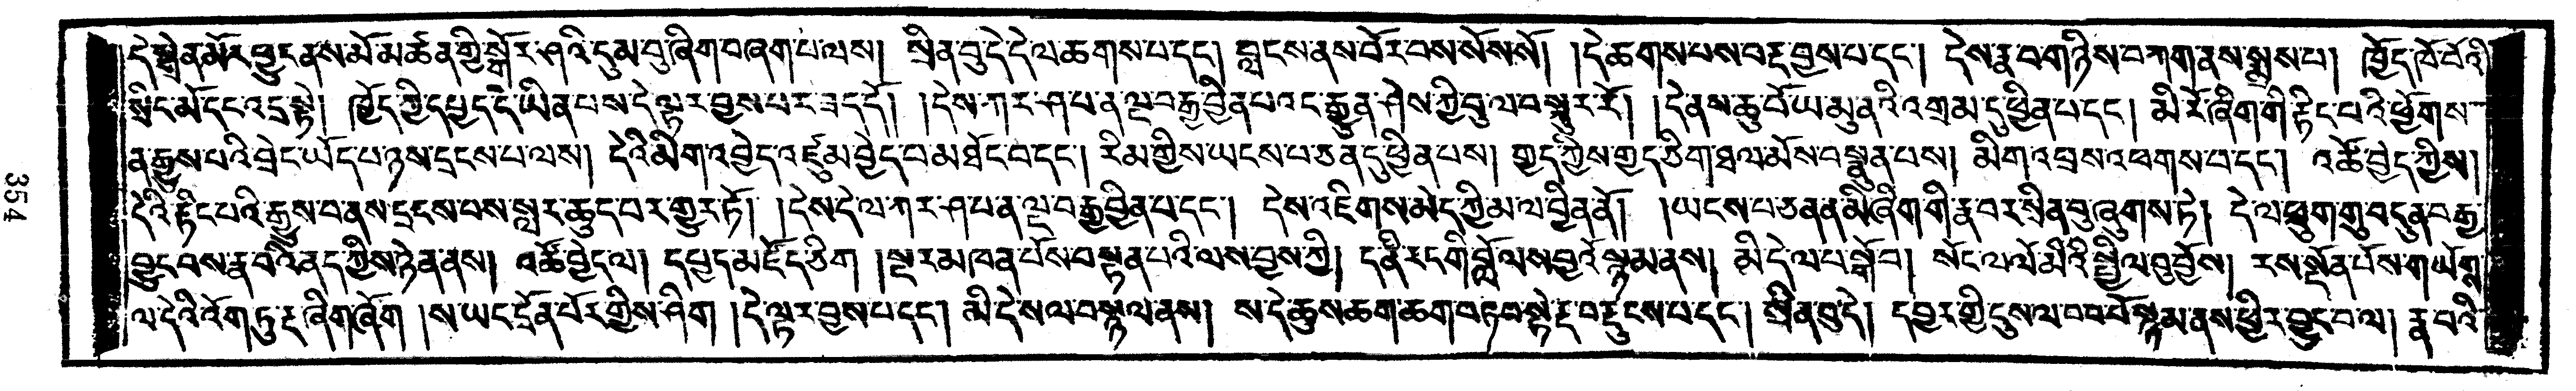དེ་སྒྲེན་མོར་ཕྱུང་ནས་མོ་མཚན་གྱི་སྒོར་ཤའི་དུམ་བུ་ཞིག་བཞག་པ་ལས། སྲིན་བུ་དེ་དེ་ལ་ཆགས་པ་དང་། བླངས་ནས་བོར་བས་སོས་སོ། །དེ་ཆགས་པས་བརྡ་བྱས་པ་དང་། དེས་རྣ་བ་གཉིས་བཀག་ནས་སྨྲས་པ། ཁྱོད་ཁོ་བོའི་
སྲིང་མོ་དང་འདྲ་སྟེ། ཁྱོད་ཀྱི་དཔྱད་དེ་ཡིན་པས་དེ་ལྟར་བྱས་པར་ཟད་དོ། །དེས་ཀར་ཤ་པ་ན་ལྔ་བརྒྱ་བྱིན་པའང་རྒྱུན་ཤེས་ཀྱི་བུ་ལ་བསྐུར་རོ། །དེ་ནས་ཆུ་བོ་ཡ་མུ་ནའི་འགྲམ་དུ་ཕྱིན་པ་དང་། མི་རོ་ཞིག་གི་རྟིང་བའི་ཕྱོགས་
ན་རྒྱུས་པའི་བྲེང་ཡོད་པ་ཉས་དྲངས་པ་ལས། དེའི་མིག་འབྱེད་འཛུམ་བྱེད་པ་མཐོང་བ་དང་། རིམ་གྱིས་ཡངས་པ་ཅན་དུ་ཕྱིན་པས། གྱད་ཀྱིས་གྱད་ཅིག་ཐལ་མོས་བསྣུན་པས། མིག་འབྲས་འཕགས་པ་དང་། འཚོ་བྱེད་ཀྱིས།
དེའི་རྟིང་བའི་རྒྱུས་བ་ནས་དྲངས་པས་སླར་ཆུད་པར་གྱུར་ཏོ། །དེས་དེ་ལ་ཀར་ཤ་བ་ན་ལྔ་བརྒྱ་བྱིན་པ་དང་། དེས་འཇིགས་མེད་ཀྱི་མ་ལ་བྱིན་ནོ། །ཡངས་པ་ཅན་ན་མི་ཞིག་གི་རྣ་བར་སྲིན་བུ་ཞུགས་ཏེ། དེ་ལ་ཕྲུག་གུ་བདུན་བརྒྱ་
བྱུང་བས་རྣ་བའི་ནད་ཀྱིས་ཉེན་ནས། འཚོ་བྱེད་ལ། དཔྱད་མཛོད་ཅིག །སྔར་མཁན་པོས་བསྟན་པའི་ལས་བྱས་ཀྱི། ད་ནི་རང་གི་བློ་ལས་བྱའོ་སྙམ་ནས། མི་དེ་ལ་བ་སྒོ་བ། སོང་ལ་ལོ་མིའི་སྤྱིལ་བུ་བྱོས། རས་སྔོན་པོས་གཡོགས་
ལ་དེའི་འོག་ཏུ་རྔ་ཞིག་ཞོག །ས་ཡང་དྲོན་པོར་གྱིས་ཤིག། དེ་ལྟར་བྱས་པ་དང་། མི་དེ་སལ་བསྙལ་ནས། ས་དེ་ཆུས་ཆག་ཆག་བཏབ་སྟེ་རྡ་བརྡུངས་པ་དང་། སྲིན་བུ་དེ། དབྱར་གྱི་དུས་ལ་བབ་བོ་སྙམ་ནས་ཕྱིར་བྱུང་བ་ལ། རྣ་བའི་